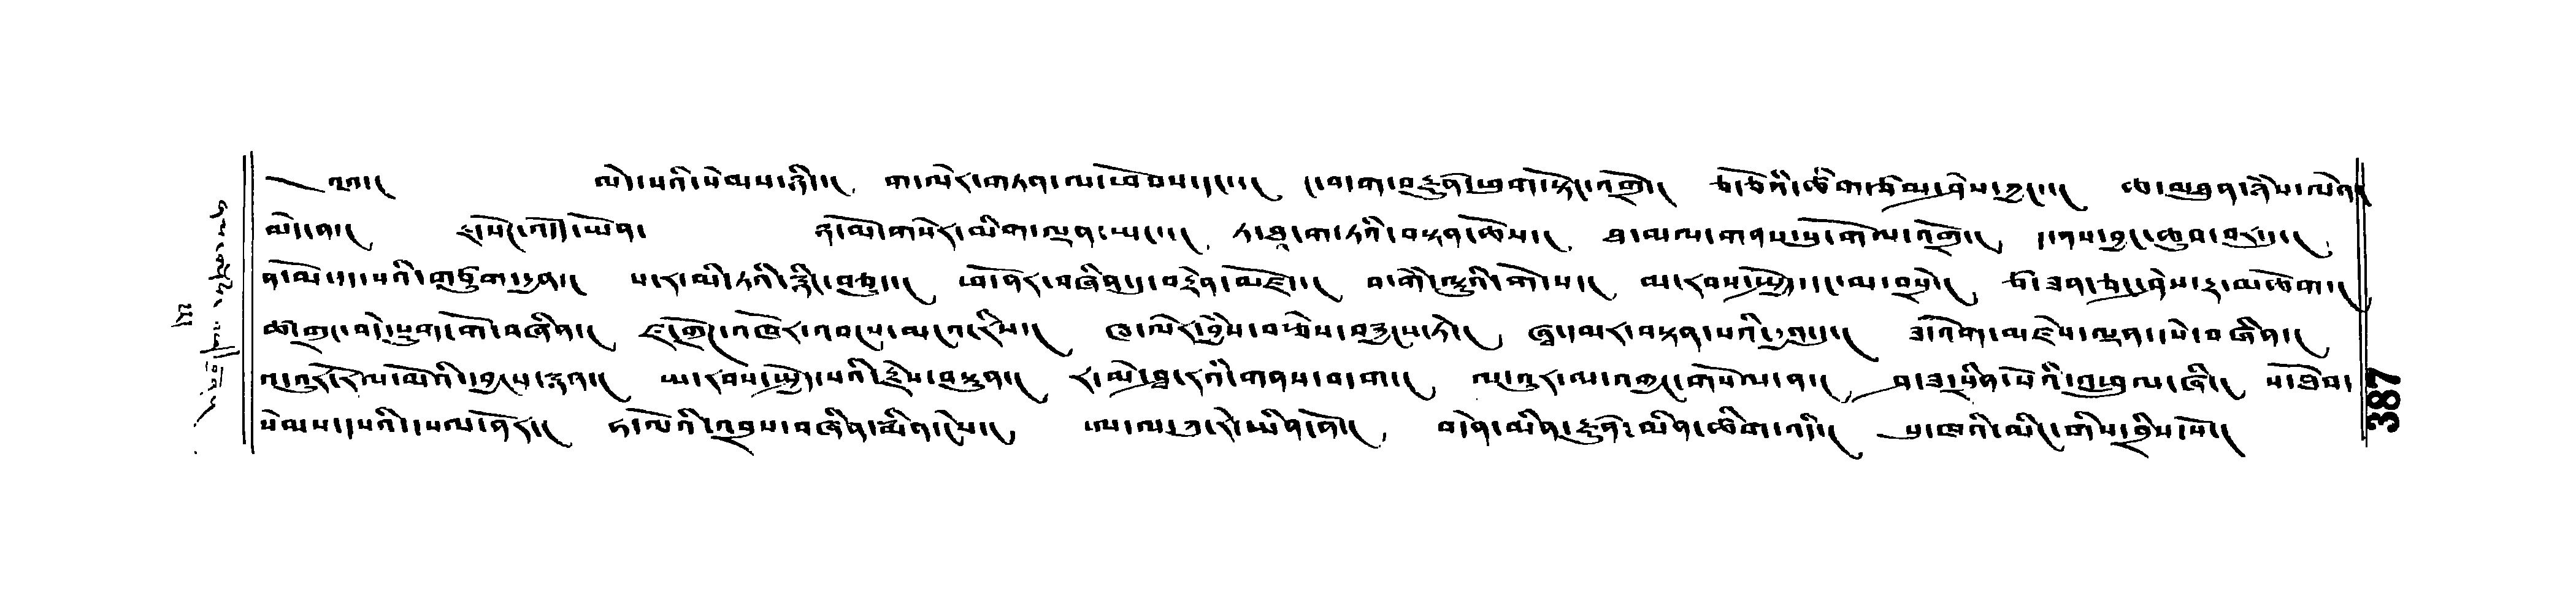མེད་པའི་སེམས་ཉིད། །ག་ལེར་གཏན་ལ་ཕོབས་དང་། །ང་བདག་བརྫུན་ཕུག་སྟོང་འགྲོ། །ཅ་ཅོའི་ཚིག་ཙམ་ཤེས་ཀྱང་། །ཆ་མཐུན་ཉམས་ལེན་
མེད་ན། །ཇ་སོགས་འདོད་ཡོན། །ཉ་མོ་གསེར་མིག་ལྡན་ཡང་། །ཏ་ཐཱ་ག་ཏའི་བསྟན་ཆོས། །ཐ་མལ་གནས་སུ་གོལ་འགྲོ། །ད་ནས་བྱང་ཆུབ་བར་དུ། །
ན་མོ་དད་པའི་གཙུག་རྒྱན། །པ་ར་མི་ཏའི་སྙིང་བཅུད། །ཕ་ནོར་བཞིན་དུ་བསྟེན་མཛོད། །བ་གམ་ལྟ་བུའི་གོ་ས། །མ་རབས་སྤྱོད་དང་མ་བསྲེ། །ཙ་ཟན་ཅང་ཤེས་རྟ་མཆོག།
ཚ་གྲང་བདེ་སྡུག་གོ་བཞིན། །ཛ་གྲོགས་འཁོར་འབངས་མངའ་རིས། །ཝ་ལེར་བྱམས་བརྩེས་བསྐྱངས་ཏེ། །ཞྭ་དམར་བསྟན་པའི་རྒྱན་དུ། །ཟ་འོག་མཛེས་ལྡན་དཔེ་བཞིན། །
འ་འུར་རོལ་མོའི་དབྱངས་སྙན། །ཡ་རབས་སྤྱོད་པའི་རྗེས་བསྟུན། །ར་མེ་ཤྭ་རའི་གནས་བདག །ལ་འུར་མ་འགྱང་གསོལ་ན། །ཤ་ཟ་སྲིན་པོའི་འཕྲུལ་ཞི། །ས་ཐོབ་
སེམས་དཔའི་དཔལ་ནོར། །ཧ་ལོའི་འབྲས་བཞིན་སྨིན་ངེས། །ཨ་ལ་ཀུ་རེ་ཡིན་ནོ། །བདེན་མིན་རྫུན་མིན་ཚིག་འདི། །སུ་ཁའི་མིང་གིས་བྲིས་སོ།།